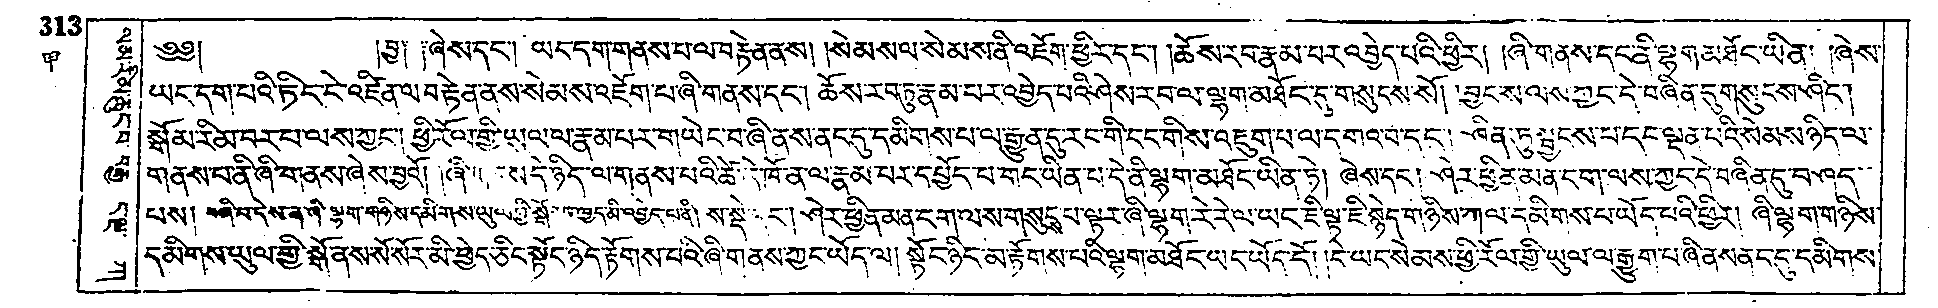༄༅། །བྱ༑ ༑ཞེས་དང་། ཡང་དག་གནས་པ་ལ་བརྟེན་ནས། །སེམས་ལ་སེམས་ནི་འཇོག་ཕྱིར་དང་། །ཆོས་རབ་རྣམ་པར་འབྱེད་པའི་ཕྱིར། །ཞི་གནས་དང་ནི་ལྷག་མཐོང་ཡིན། །ཞེས་
ཡང་དག་པའི་ཏིང་ངེ་འཛིན་ལ་བརྟེན་ནས་སེམས་འཇོག་པ་ཞི་གནས་དང་། ཆོས་རབ་ཏུ་རྣམ་པར་འབྱེད་པའི་ཤེས་རབ་ལ་ལྷག་མཐོང་དུ་གསུངས་སོ། །བྱང་ས་ལས་ཀྱང་དེ་བཞིན་དུ་གསུངས་ཤིང་།
སྒོམ་རིམ་བར་པ་ལས་ཀྱང་། ཕྱི་རོལ་གྱི་ཡུལ་ལ་རྣམ་པར་གཡེང་བ་ཞི་ནས་ནང་དུ་དམིགས་པ་ལ་རྒྱུན་དུ་རང་གི་ངང་གིས་འཇུག་པ་ལ་དགའ་བ་དང་། ཤིན་ཏུ་སྦྱངས་པ་དང་ལྡན་པའི་སེམས་ཉིད་ལ་
གནས་པ་ནི་ཞི་གནས་ཞེས་བྱའོ། །ཞི་གནས་དེ་ཉིད་ལ་གནས་པའི་ཚེ་དེ་ཁོ་ན་ལ་རྣམ་པར་དཔྱོད་པ་གང་ཡིན་པ་དེ་ནི་ལྷག་མཐོང་ཡིན་ཏེ། ཞེས་དང་། ཤེར་ཕྱིན་མན་ངག་ལས་ཀྱང་དེ་བཞིན་དུ་བཤད་
པས། བཞི་པ་དེས་ན་ཞི་ལྷག་གཉིས་དམིགས་ཡུལ་གྱི་སྒོ་ནས་ཁྱད་མི་འབྱེད་པ་ནི།  ས་སྡེ་དང་། ཤེར་ཕྱིན་མན་ངག་ལས་གསུངས་པ་ལྟར་ཞི་ལྷག་རེ་རེ་ལ་ཡང་ཇི་ལྟ་ཇི་སྙེད་གཉིས་ཀ་ལ་དམིགས་པ་ཡོད་པའི་ཕྱིར། ཞི་ལྷག་གཉིས་
དམིགས་ཡུལ་གྱི་སྒོ་ནས་སོ་སོར་མི་ཕྱེད་ཅིང་སྟོང་ཉིད་རྟོགས་པའི་ཞི་གནས་ཀྱང་ཡོད་ལ། སྟོང་ཉིད་མ་རྟོགས་པའི་ལྷག་མཐོང་ཡང་ཡོད་དོ། །དེ་ཡང་སེམས་ཕྱི་རོལ་གྱི་ཡུལ་ལ་རྒྱུག་པ་ཞི་ནས་ནང་དུ་དམིགས་